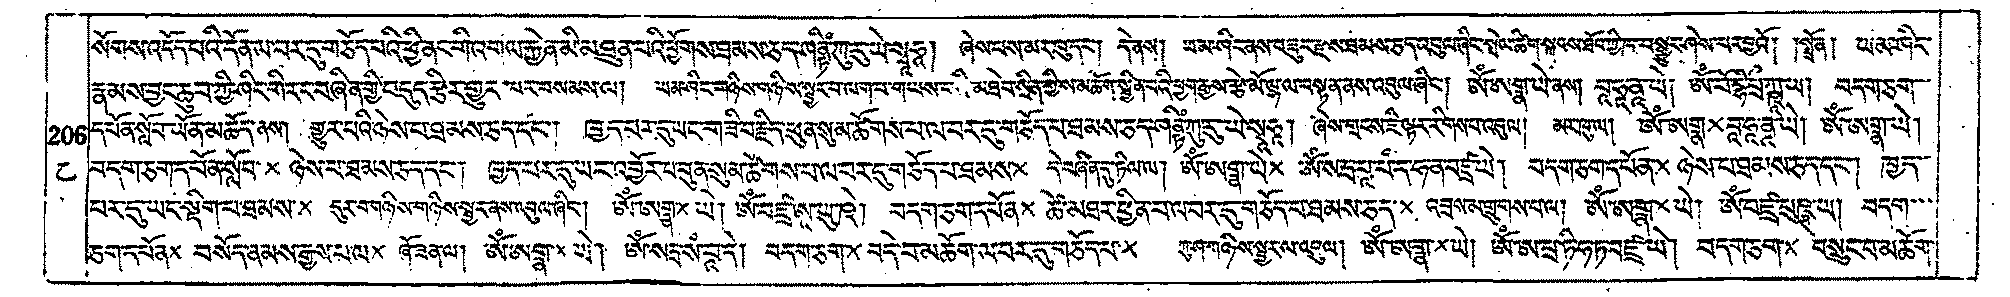སོགས་འདོད་པའི་དོན་ལ་བར་དུ་གཅོད་པའི་ཕྱི་ནང་གི་འགལ་རྐྱེན་མི་མཐུན་པའི་ཕྱོགས་ཐམས་ཅད་ཤནྟིཾ་ཀུ་རུ་ཡེ་སྭཱཧཱ། ཞེས་པས་མར་ཁུ་དང་། དེ་ནས། ཡམ་ཤིང་ནས་བཟུང་རྫས་ཐམས་ཅད་འབུལ་ཞིང་སྤེལ་ཚིག་སྐབས་ཐོབ་ཀྱི་ཁ་བསྒྱུར་ཤེས་པར་བྱའོ། །སྤྲོ་ན།  ཡམ་ཤིང་
རྣམས་བྱང་ཆུབ་ཀྱི་ཤིང་གི་རང་བཞིན་གྱི་བདུད་རྩིར་གྱུར་པར་བསམས་ལ། ཡམ་ཤིང་གཉིས་གཉིས་སྦྱར་བ་ལག་པ་གཡས་དགེ་མཐོབ་སྲིན་གྱིས་མཆོག་སྦྱིན་པའི་ཕྱག་རྒྱས་རྩེ་མོ་ལྷ་ལ་བསྟན་ནས་འབུལ་ཞིང་།  ཨོཾ་ཨགན་ཡེ་ནས། བཱ་ཧཱ་ནཱ་ཡེ། ཨོཾ་བོ་དྷི་པྲྀཀྵཱ་ཡ། བདག་ཅག་་་
དཔོན་སློབ་ཡོན་མཆོད་ནས། གྱུར་པའི་ཉེས་པ་ཐམས་ཅད་དང་། ཁྱད་པར་དུ་ཡང་གཟི་བརྗིད་ཕུན་སུམ་ཚོགས་པ་ལ་བར་དུ་གཅོད་པ་ཐམས་ཅད་ཤིནྟཾ་ཀུ་རུ་ཡེ་སྭཱཧཱ། ཞེས་གྲངས་ཇི་ལྟར་རིགས་པ་འབུལ། མར་ཁུ་ལ།  ཨོཾ་ཨགན་྾་བཱ་ཧཱ་ནཱ་ཡེ། ཨོཾ་ཨགན་ཡེ།
བདག་ཅག་དཔོན་སློབ་྾་ཉེས་པ་ཐམས་ཅད་དང་། ཁྱད་པར་དུ་ཡང་འབྱོར་བ་ཕུན་སུམ་ཚོགས་པ་ལ་བར་དུ་གཅོད་པ་ཐམས་྾་དེ་བཞིན་དུ་ཏིལ་ལ།  ཨོཾ་ཨགན་ཡེ་྾་ཨོཾ་སརྦ་པཱ་པཾ་ད་ཧ་ན་བཛྲ་ཡེ། བདག་ཅག་དཔོན་྾་ཉེས་པ་ཐམས་ཅད་དང་། ཁྱད་་་
པར་དུ་ཡང་སྡིག་པ་ཐམས་྾་དུར་བ་གཉིས་གཉིས་སྦྱར་ནས་འབུལ་ཞིང་།  ཨོཾ་ཨགན་྾་ཡེ། ཨོཾ་བཛྲ་ཨཱ་ཡུ་ཥེ། བདག་ཅག་དཔོན་྾་ཚེ་མཐར་ཕྱིན་པ་ལ་བར་དུ་གཅོད་པ་ཐམས་ཅད་྾་འབྲས་མ་གྲུགས་པ་ལ།  ཨོཾ་ཨགན་྾་ཡེ། ཨོཾ་བཛྲ་པུཥྚ་ཡ། བདག་་་
ཅག་དཔོན་྾་བསོད་ནམས་རྒྱས་པ་ལ་྾་ཞོ་ཟན་ལ།  ཨོཾ་ཨགན་྾་ཡེ། ཨོཾ་སརྦ་སཾ་བཱ་དེ། བདག་ཅག་྾་བདེ་བ་མཆོག་ལ་བར་དུ་གཅོད་པ་྾་ཀུ་ཤ་གཉིས་སྦྱར་ལ་འབུལ།  ཨོཾ་ཨགན་྾་ཡེ། ཨོཾ་ཨ་པྲ་ཏི་ཧ་ཏ་བཛྲ་ཡེ། བདག་ཅག་྾་བསྲུང་བ་མཆོག་